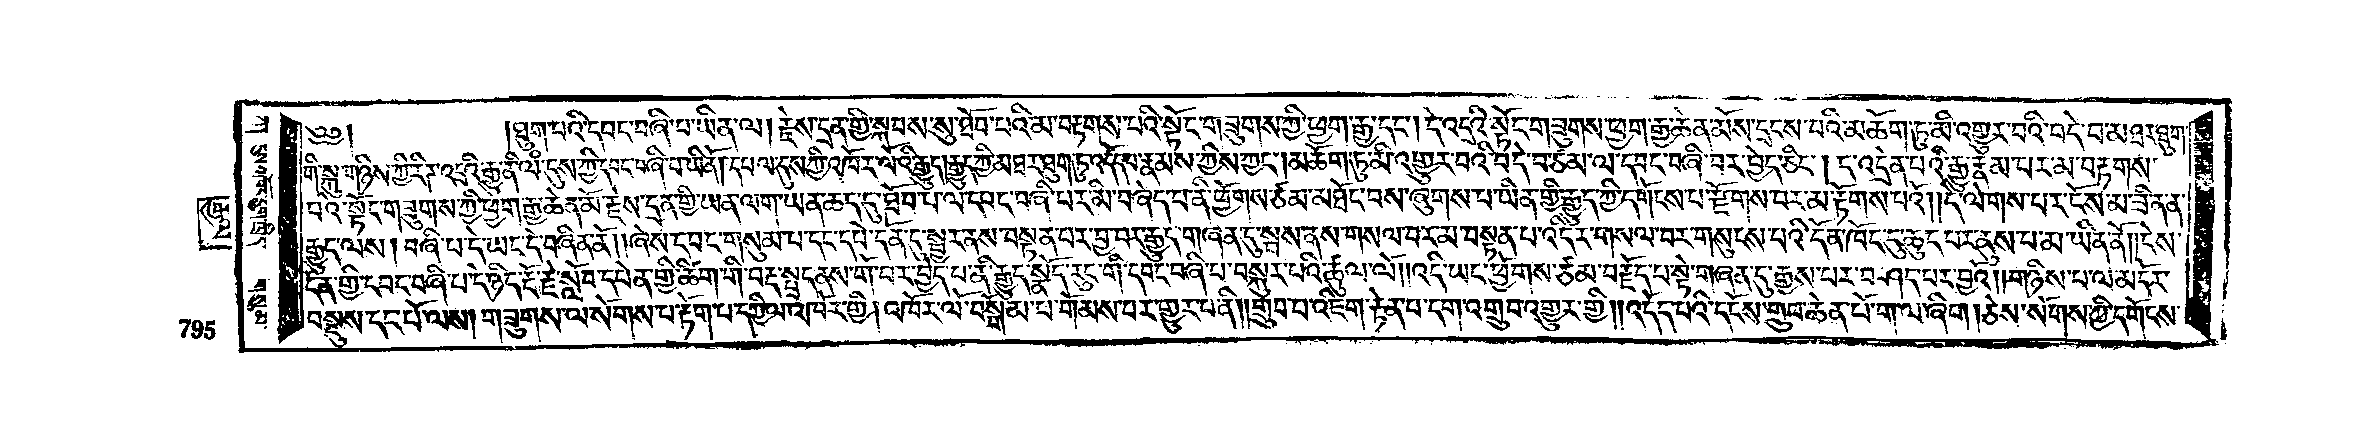༄༅། །ཐུག་པའི་དབང་བཞི་པ་ཡིན་ལ། རྗེས་དྲན་གྱི་སྐབས་སུ་ཐོབ་པའི་མ་བརྟགས་པའི་སྟོང་གཟུགས་ཀྱི་ཕྱག་རྒྱ་དང་། དེ་འདྲའི་སྟོང་གཟུགས་ཕྱག་རྒྱ་ཆེན་མོས་དྲངས་པའི་མཆོག་ཏུ་མི་འགྱུར་བའི་བདེ་བ་མཐར་ཐུག་
གི་སྐུ་གཉིས་ཀྱི་རིགས་འདྲའི་རྒྱུ་ནི་ལམ་དུས་ཀྱི་དབང་བཞི་པ་ཡིན་ནོ། །དཔལ་དུས་ཀྱི་འཁོར་ལོའི་རྒྱུད། རྒྱུད་ཀྱི་མཐར་ཐུག་ཏུ་འདོད་པ་རྣམས་ཀྱིས་ཀྱང་། མཆོག་ཏུ་མི་འགྱུར་བའི་བདེ་བ་ཙམ་ལ་དབང་བཞི་པར་བྱེད་ཅིང་། ད་འདྲེན་པའི་རྒྱུ་རྣམ་པར་མ་བརྟགས་
པའི་སྟོང་གཟུགས་ཀྱི་ཕྱག་རྒྱ་ཆེན་མོ་རྗེས་དྲན་གྱི་ཡན་ལག་ཡན་ཆད་དུ་ཐོབ་པ་ལ་དབང་བཞི་པར་མི་བཞེད་པ་ནི་ཕྱོགས་ཙམ་མཐོང་བས་ཞུགས་པ་ཡིན་གྱི་རྒྱུད་ཀྱི་དགོངས་པ་རྫོགས་པར་མ་རྟོགས་པའོ། །དེ་ལེགས་པར་ངོས་མ་ཟིན་ན་
རྒྱུད་ལས། བཞི་པ་དེ་ཡང་དེ་བཞིན་ནོ། །ཞེས་དབང་གསུམ་པ་དང་དཔེ་དོན་དུ་སྦྱར་ནས་བསྟན་པར་བྱ་བར་རྒྱུད་གཞན་དུ་སྦས་ནས་གསལ་བར་མ་བསྟན་པ་འདིར་གསལ་བར་གསུངས་པའི་དོན་ཁོང་དུ་ཆུད་པར་ནུས་པ་མ་ཡིན་ནོ། །ངེས་
དོན་གྱི་དབང་བཞི་པ་དེ་ཉིད་རྡོ་རྗེ་སློབ་དཔེན་གྱི་ཚིག་གི་བརྡ་སྤྲད་ནས་གོ་བར་བྱེད་པ་ནི་རྒྱུད་སྣོད་རུང་གི་དབང་བཞི་པ་བསྐུར་བའི་ཚུལ་ལོ། །འདི་ཡང་ཕྱོགས་ཙམ་བརྗོད་པ་སྟེ་གཞན་དུ་རྒྱས་པར་བཤད་པར་བྱའོ། །གཉིས་པ་ལ་མདོར་
བསྡུས་དང་པོ་ལས། གཟུགས་ལ་སོགས་པ་རྟོག་པ་དཀྱིལ་འཁོར་གྱི། འཁོར་ལོ་བསྒོམ་པ་གོམས་པར་གྱུར་པ་ནི། །གྲུབ་པ་འཇིག་རྟེན་པ་དག་འགྲུབ་འགྱུར་གྱི། །འདོད་པའི་དངོས་གྲུབ་ཆེན་པོ་ག་ལ་ཞིག །ཅེས་སོགས་ཀྱི་དགོངས་